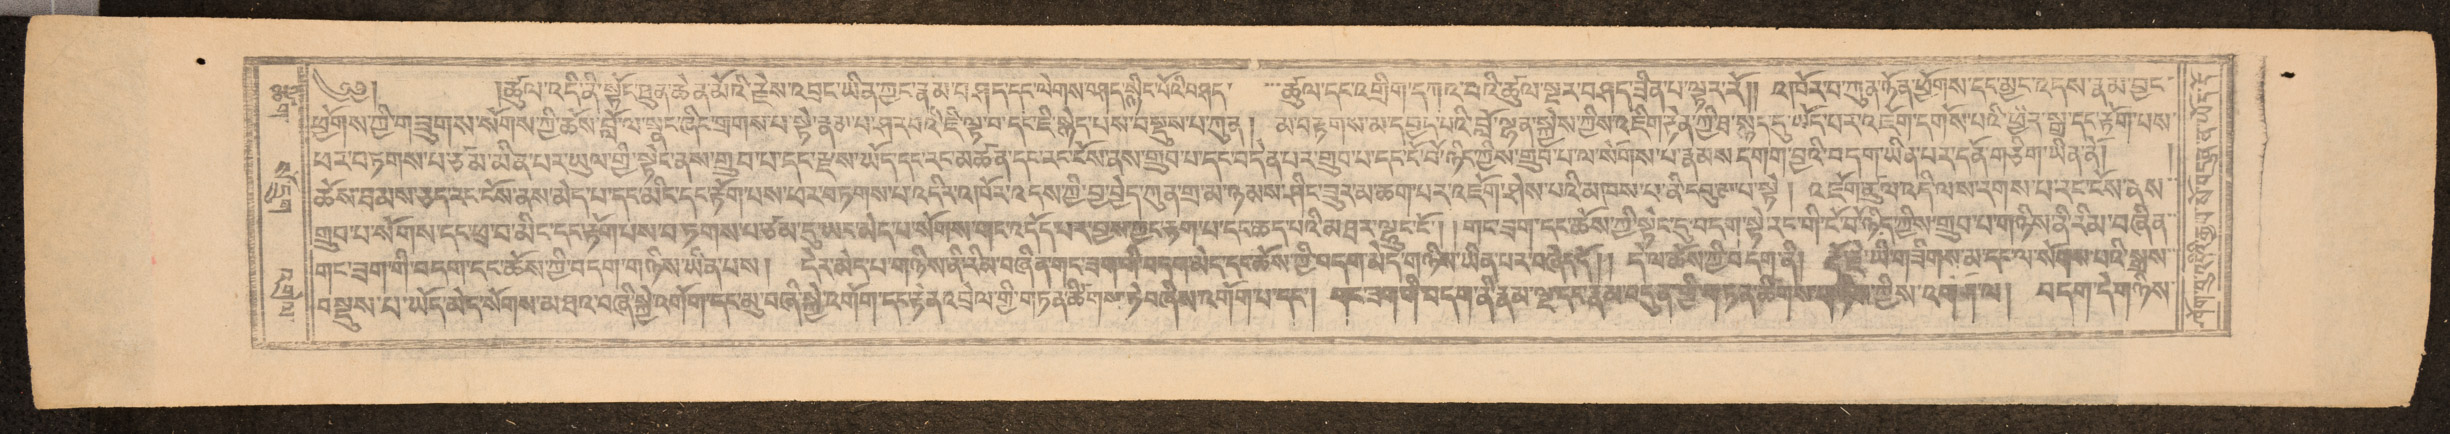༄༅། །ཚུལ་འདི་ནི་སྟོང་ཐུན་ཆེན་མོའི་རྗེས་འབྲང་ཡིན་ཀྱང་རྣམ་བཤད་དང་ལེགས་བཤད་སྙིང་པོའི་བཤད་ཚུལ་དང་འགྲིག་དཀའ་བའི་ཚུལ་སྔར་བཤད་ཟིན་པ་ལྟར་རོ།། འཁོར་བ་ཀུན་ཉོན་ཕྱོགས་དང་མྱང་འདས་རྣམ་བྱང་
ཕྱོགས་ཀྱི་གཟུགས་སོགས་ཀྱི་ཆོས་བློ་ལ་སྣང་ཞིང་གྲགས་པ་སྟེ་རྣམ་པ་ཤར་བའི་ཇི་ལྟ་བ་དང་ཇི་སྙེད་པས་བསྡུས་པ་ཀུན། མ་བརྟགས་མ་དབྱད་པའི་བློ་ལྷན་སྐྱེས་ཀྱིས་འཇིག་རྟེན་ཀྱི་ཐ་སྙད་དུ་ཡོད་པར་འཇོག་དགོས་པའི་ཕྱིར་སྒྲ་དང་རྟོག་པས་
ཕར་བཏགས་པ་ཙམ་མིན་པར་ཡུལ་གྱི་སྟེང་ནས་གྲུབ་པ་དང་རྫས་ཡོད་དང་རང་མཚན་དང་རང་ངོས་ནས་གྲུབ་པ་དང་བདེན་པར་གྲུབ་པ་དང་ངོ་བོ་ཉིད་ཀྱིས་གྲུབ་པ་ལ་སོགས་པ་རྣམས་དགག་བྱའི་བདག་ཡིན་པར་དོན་གཅིག་ཡིན་ནོ། །
ཆོས་ཐམས་ཅད་རང་ངོས་ནས་མེད་པ་དང་མིང་དང་རྟོག་པས་ཕར་བཏགས་པ་འདིར་འཁོར་འདས་ཀྱི་བྱ་བྱེད་ཀུན་གྲ་མ་ཉམས་ཤིང་ཟུར་མ་ཆག་པར་འཇོག་ཤེས་པའི་མཁས་པ་ནི་དབུ་མ་པ་སྟེ། འཇོག་ཚུལ་འདི་ལས་རགས་པ་རང་ངོས་ནས་
གྲུབ་པ་སོགས་དང་ཕྲ་བ་མིང་དང་རྟོག་པས་བཏགས་པ་ཙམ་དུ་ཡང་མེད་པ་སོགས་གང་འདོད་པར་བྱས་ཀྱང་རྟག་པ་དང་ཆད་པའི་མཐར་ལྷུང་ངོ། །གང་ཟག་དང་ཆོས་ཀྱི་སྟེང་དུ་བདག་སྟེ་རང་གི་ངོ་བོ་ཉིད་ཀྱིས་གྲུབ་པ་གཉིས་ནི་རིམ་བཞིན་
གང་ཟག་གི་བདག་དང་ཆོས་ཀྱི་བདག་གཉིས་ཡིན་པས། དེར་མེད་པ་གཉིས་ནི་རིམ་བཞིན་གང་ཟག་གི་བདག་མེད་དང་ཆོས་ཀྱི་བདག་མེད་གཉིས་ཡིན་པར་བཞེད་དོ། །དེ་ལ་ཆོས་ཀྱི་བདག་ནི། རྡོ་རྗེ་ཡི་གཟིགས་མ་དང་ལ་སོགས་པའི་སྒྲས་
བསྡུས་པ་ཡོད་མེད་སོགས་མཐའ་བཞི་སྐྱེ་འགོག་དང་མུ་བཞི་སྐྱེ་འགོག་དང་རྟེན་འབྲེལ་གྱི་གཏན་ཚིགས་ཏེ་བཞིས་འགོག་པ་དང་། གང་ཟག་གི་བདག་ནི་རྣམ་ལྔ་དང་རྣམ་བདུན་གྱི་གཏན་ཚིགས་གཉིས་ཀྱིས་འགོག་ལ། བདག་དེ་གཉིས་